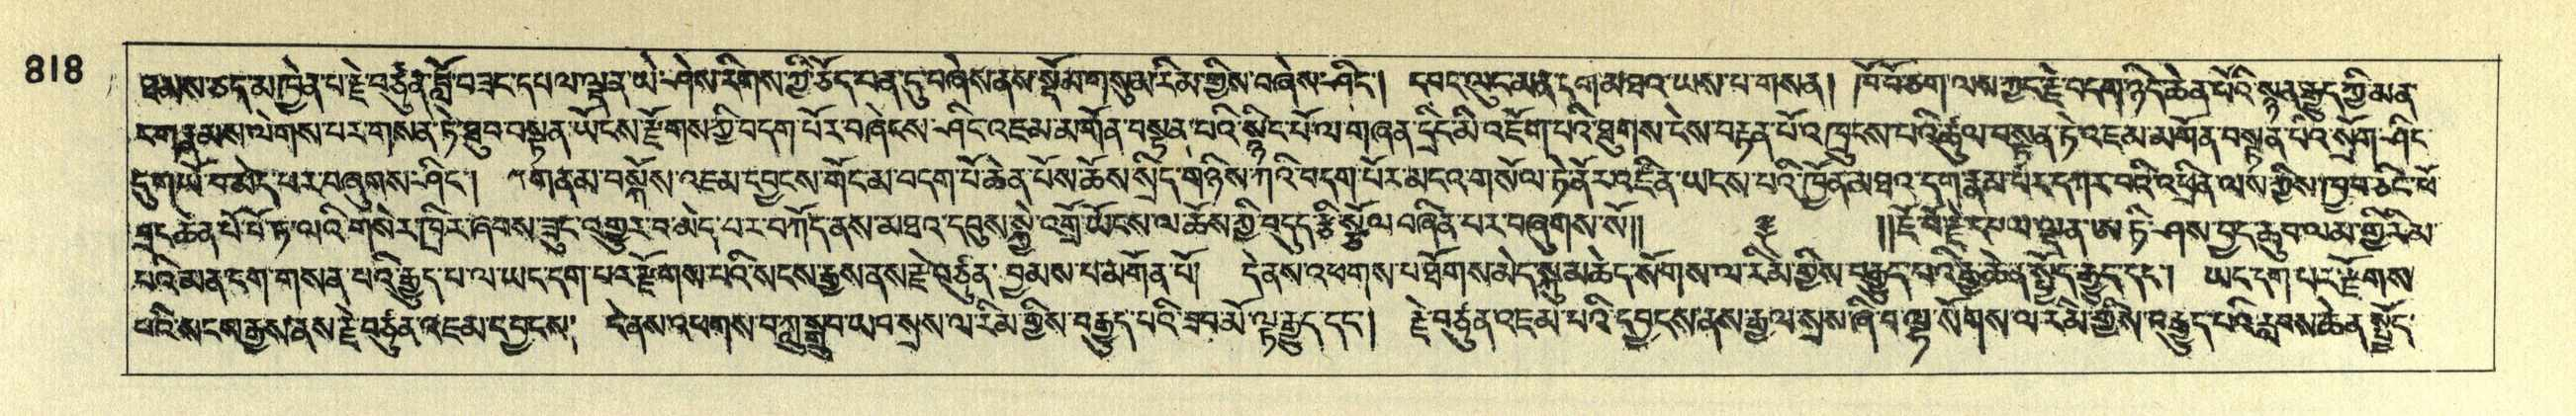ཐམས་ཅད་མཁྱེན་པ་རྗེ་བཙུན་བློ་བཟང་དཔལ་ལྡན་ཡེ་ཤེས་རིགས་ཀྱི་ཅོད་བན་དུ་བཞེས་ནས་སྡོམ་གསུམ་རིམ་གྱིས་བཞེས་ཤིང་། དབང་ལུང་མན་ངག་མཐའ་ཡས་པ་གསན། ཁོ་བོ་ཅག་ལས་ཀྱང་རྗེ་བདག་ཉིད་ཆེན་པོའི་སྙན་རྒྱུད་ཀྱི་མན་
ངག་རྣམས་ལེགས་པར་གསན་ཏེ་ཐུབ་བསྟན་ཡོངས་རྫོགས་ཀྱི་བདག་པོར་བཞེངས་ཤིང་འཇམ་མགོན་བསྟན་པའི་སྙིང་པོ་ལ་གཞན་དྲིང་མི་འཇོག་པའི་ཐུགས་ངེས་བརྟན་པོ་འཁྲུངས་པའི་ཚུལ་བསྟན་ཏེ་འཇམ་མགོན་བསྟན་པའི་སྲོག་ཤིང་
དུ་གཡོ་བ་མེད་པར་བཞུགས་ཤིང་། གནམ་བསྐོས་འཇམ་དབྱངས་གོང་མ་བདག་པོ་ཆེན་པོས་ཆོས་སྲིད་གཉིས་ཀའི་བདག་པོར་མངའ་གསོལ་ཏེ་ནོར་འཛིན་ཡངས་པའི་ཁྱོན་མཐའ་དག་རྣམ་པར་དཀར་བའི་འཕྲིན་ལས་ཀྱིས་ཁྱབ་ཅིང་ཕོ་
བྲང་ཆེན་པོ་པོ་ཏ་ལའི་གསེར་ཁྲིར་ཞབས་ཟུང་འགྱུར་བ་མེད་པར་བཀོད་ནས་མཐའ་དབུས་སྐྱེ་འགྲོ་ཡོངས་ལ་ཆོས་ཀྱི་བདུད་རྩི་སྩོལ་བཞིན་པར་བཞུགས་སོ།། ༈ །།ཇོ་བོ་རྗེ་དཔལ་ལྡན་ཨ་ཏི་ཤས་བྱང་ཆུབ་ལམ་གྱི་རིམ་
པའི་མན་ངག་གསན་པའི་རྒྱུད་པ་ལ་ཡང་དག་པར་རྫོགས་པའི་སངས་རྒྱས་ནས་རྗེ་བཙུན་བྱམས་པ་མགོན་པོ། དེ་ནས་འཕགས་པ་ཐོགས་མེད་སྐུ་མཆེད་སོགས་ལ་རིམ་གྱིས་བརྒྱུད་པའི་རྒྱ་ཆེན་སྤྱོད་རྒྱུད་དང་། ཡང་དག་པར་རྫོགས་
པའི་སངས་རྒྱས་ནས་རྗེ་བཙུན་འཇམ་དབྱངས། དེ་ནས་འཕགས་བ་ཀླུ་སྒྲུབ་ཡབ་སྲས་ལ་རིམ་གྱིས་བརྒྱུད་པའི་ཟབ་མོ་ལྟ་རྒྱུད་དང་། རྗེ་བཙུན་འཇམ་པའི་དབྱངས་ནས་རྒྱལ་སྲས་ཞི་བ་ལྷ་སོགས་ལ་རིམ་གྱིས་བརྒྱུད་པའི་རླབས་ཆེན་སྤྱོད་